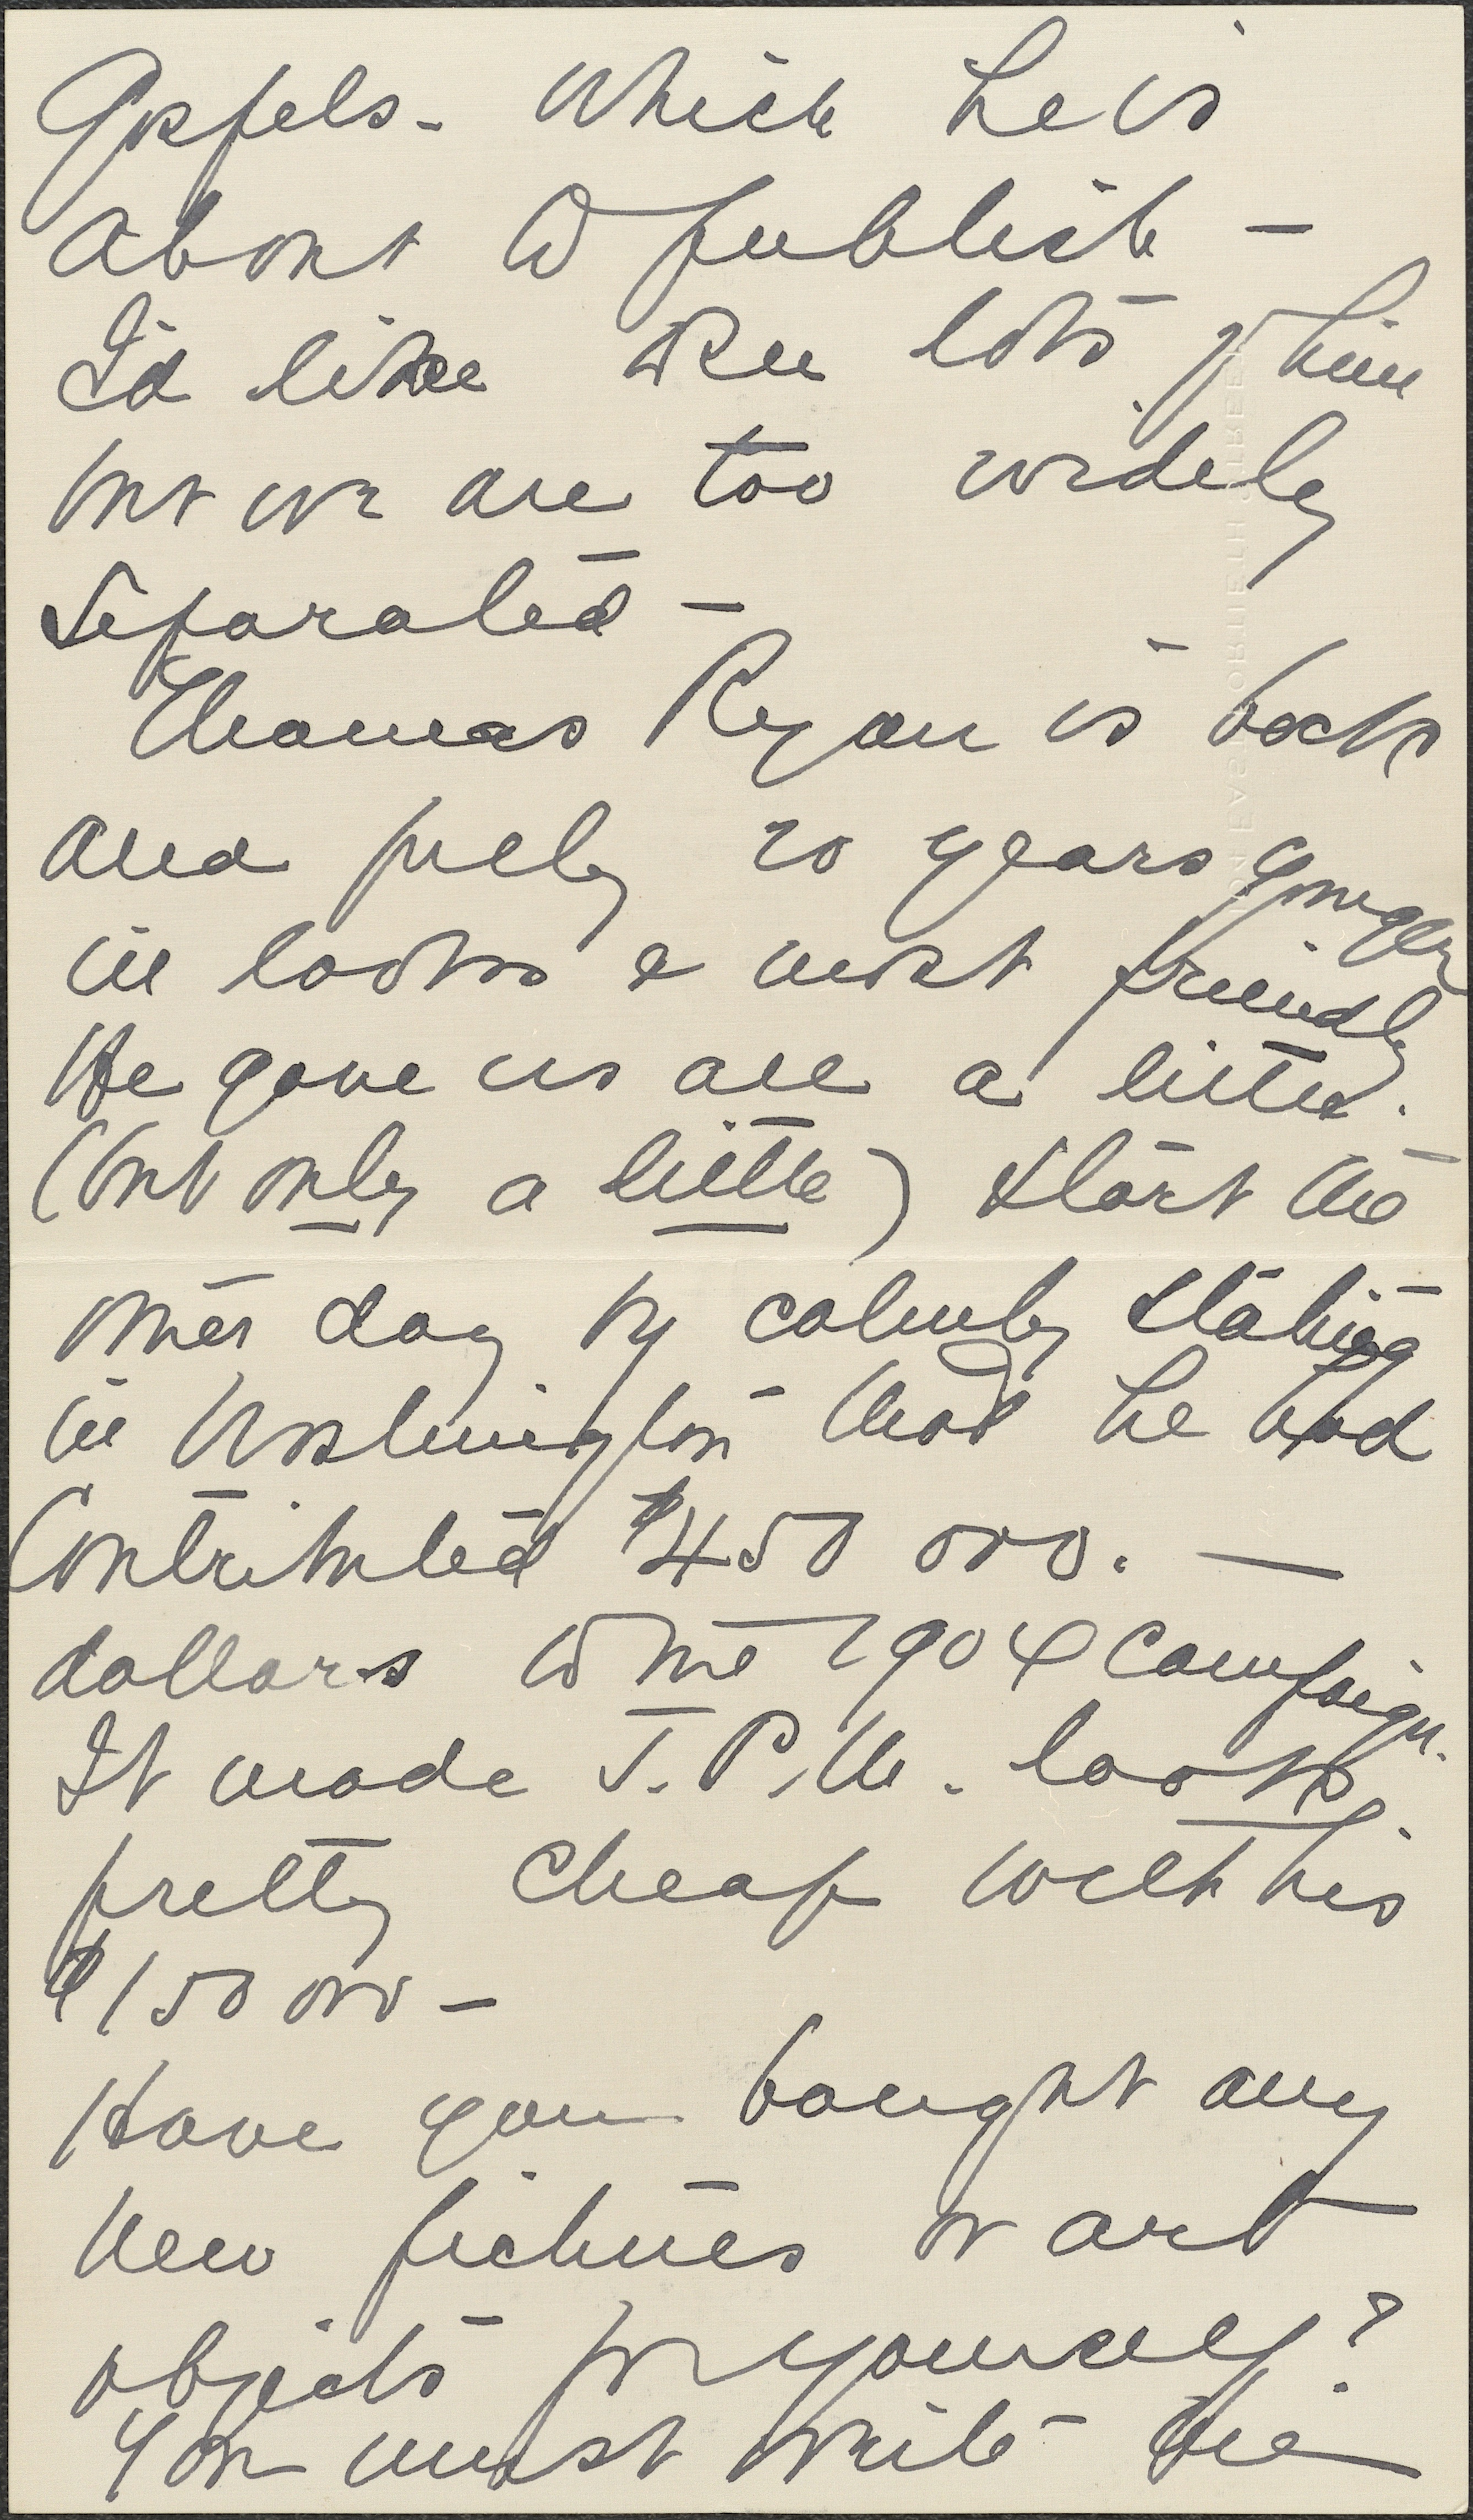Gospels – which he is about to publish – I’d like to see lots of him but we are too widely separated –
Thomas Ryan is back and fully 10 years younger in looks & most friendly. He gave us all a little (but only a little) start the other day by calmly stating in Washington that he had contributed $450000. – dollars to the 1904 campaign. It made J. P. M. look pretty cheap with his $150000 –
Have you bought any new pictures or art objects for yourself? You must write me